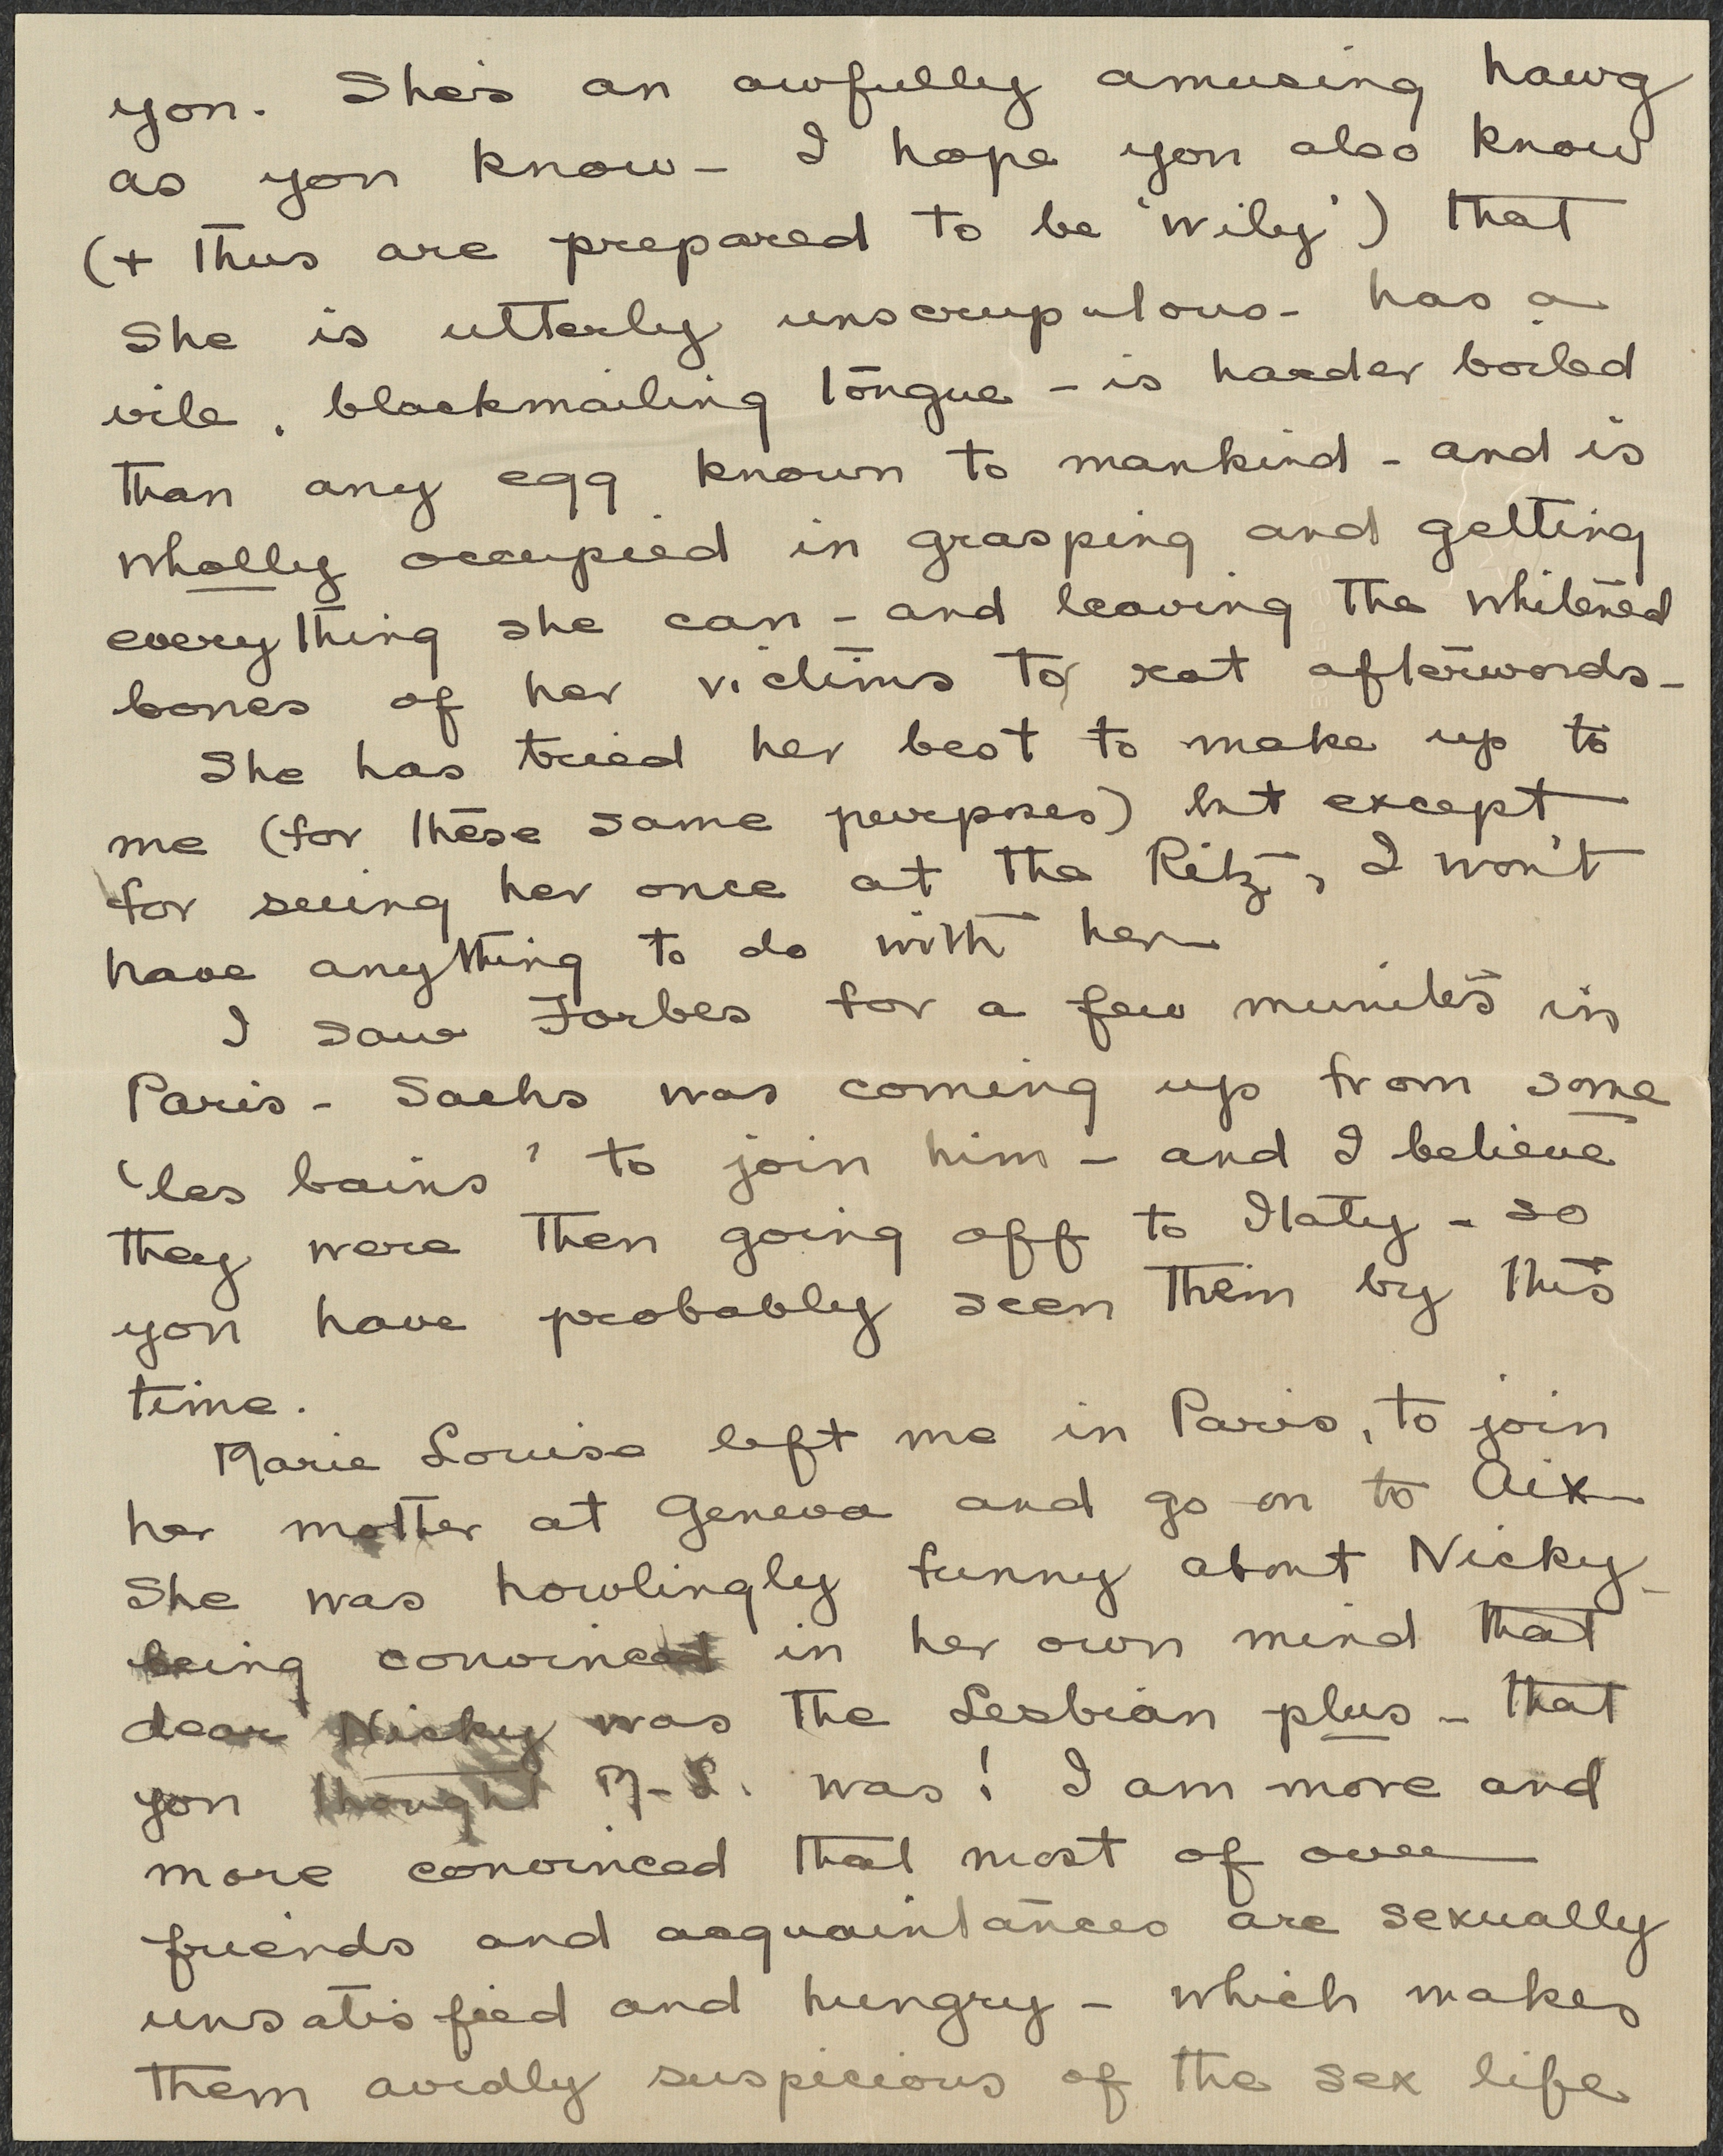you. She’s an awfully amusing hawg as you know – I hope you also know (& thus are prepared to be ‘wily’) that she is utterly unscrupulous – has a vile, blackmailing tongue – is harder boiled than any egg known to mankind – and is wholly occupied in grasping and getting everything she can – and leaving the whitened bones of her victims to rot afterwards –
She has tried her best to make up to me (for these same purposes) but except for seeing her once at the Ritz, I won’t have anything to do with her –
I saw Forbes for a few minutes in Paris – Sachs was coming up from some ‘les bains’ to join him – and I believe they were then going off to Italy – so you have probably seen them by this time.
Marie Louise left me in Paris, to join her mother at Geneva and go on to Aix. She was howlingly funny about Nicky being convinced in her own mind that dear Nicky was the Lesbian plus – that you thought M-S. was! I am more and more convinced that most of our friends and acquaintances are sexually unsatisfied and hungry – which makes them avidly suspicious of the sex life